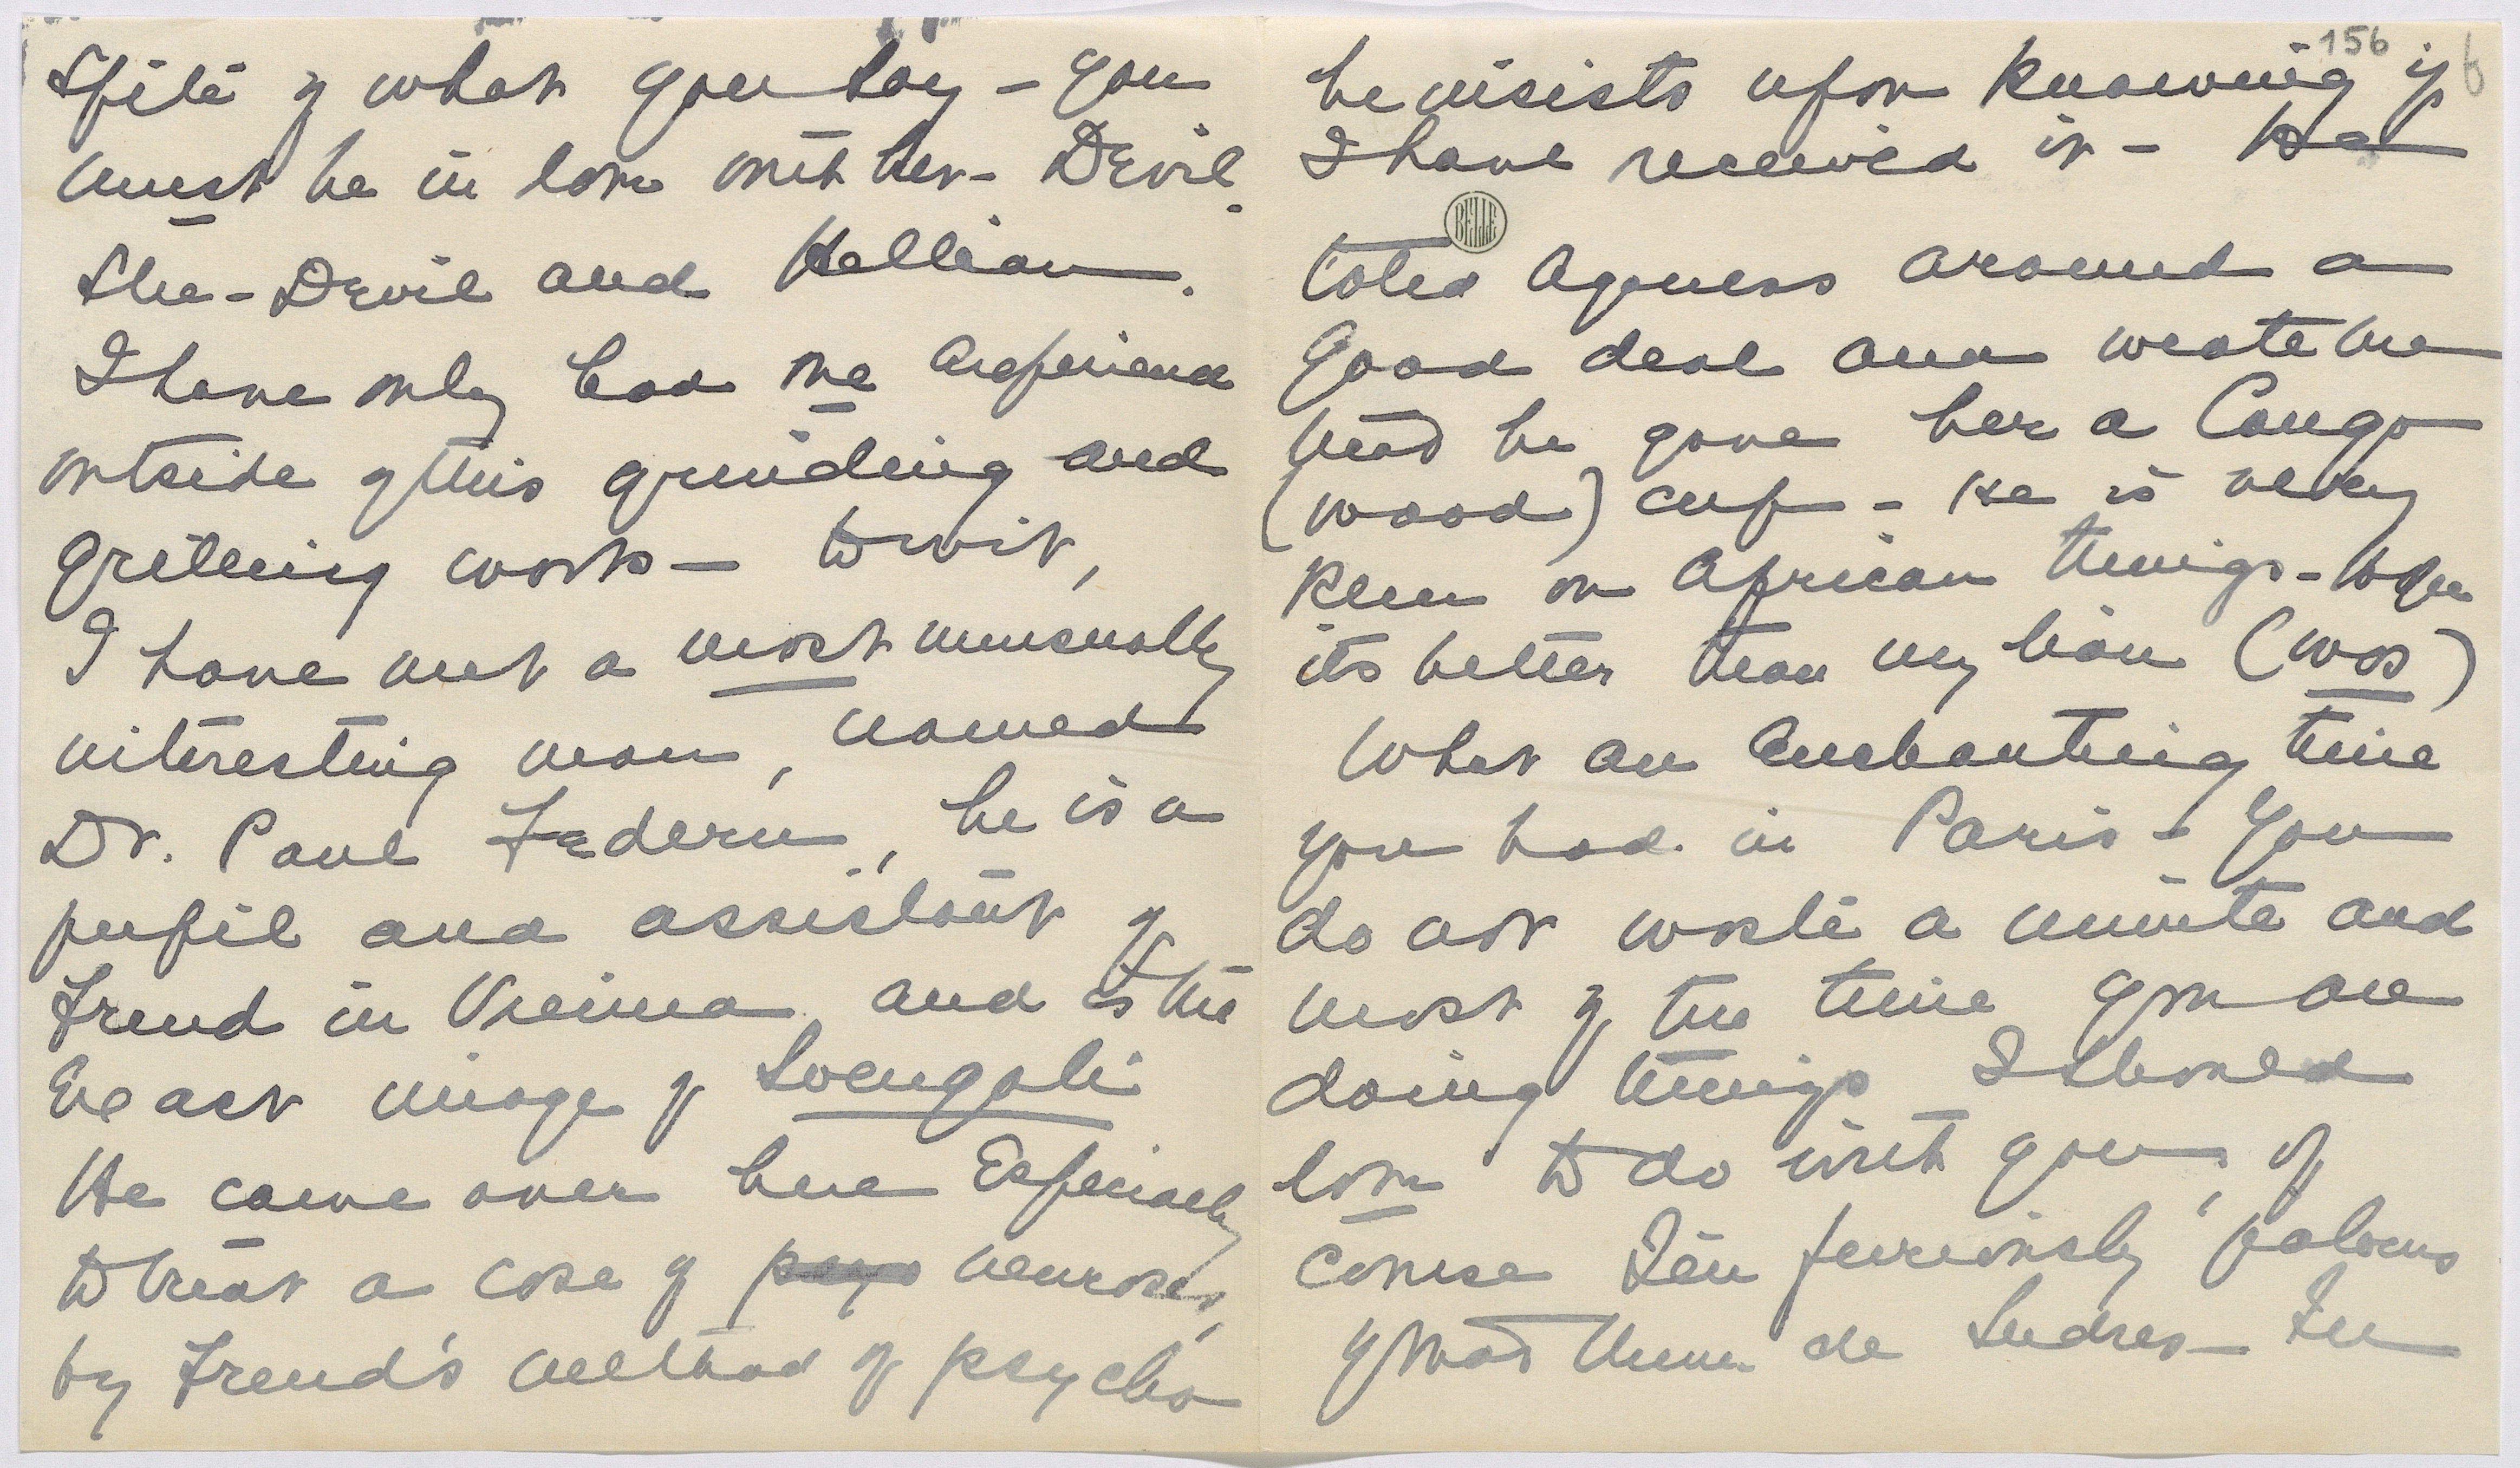he insists upon knowing if I have received it – hHe toted Agoness around a good deal and wrote me that he gave her a Congo (wood) cup – He is very keen on African things – to him its [sic] better than my lion (was)
What an enchanting time you had in Paris – You do not waste a minute and most of the time you are doing things I should love to do with you, of course I’m furiously jealous of that Mme. de Ludres – In
spite of what you say – you must be in love with her – Devil, She-Devil and Hellion. I have only had one experience outside of this grinding and grilling work – to wit, I have met a most unusually interesting man, named Dr. Paul Federn, he is a pupil and assistant of Freud in Vienna and is the exact image of Svengali He came over here especially to treat a case of psy neurosis, by Freud’s method of psychoanalysis